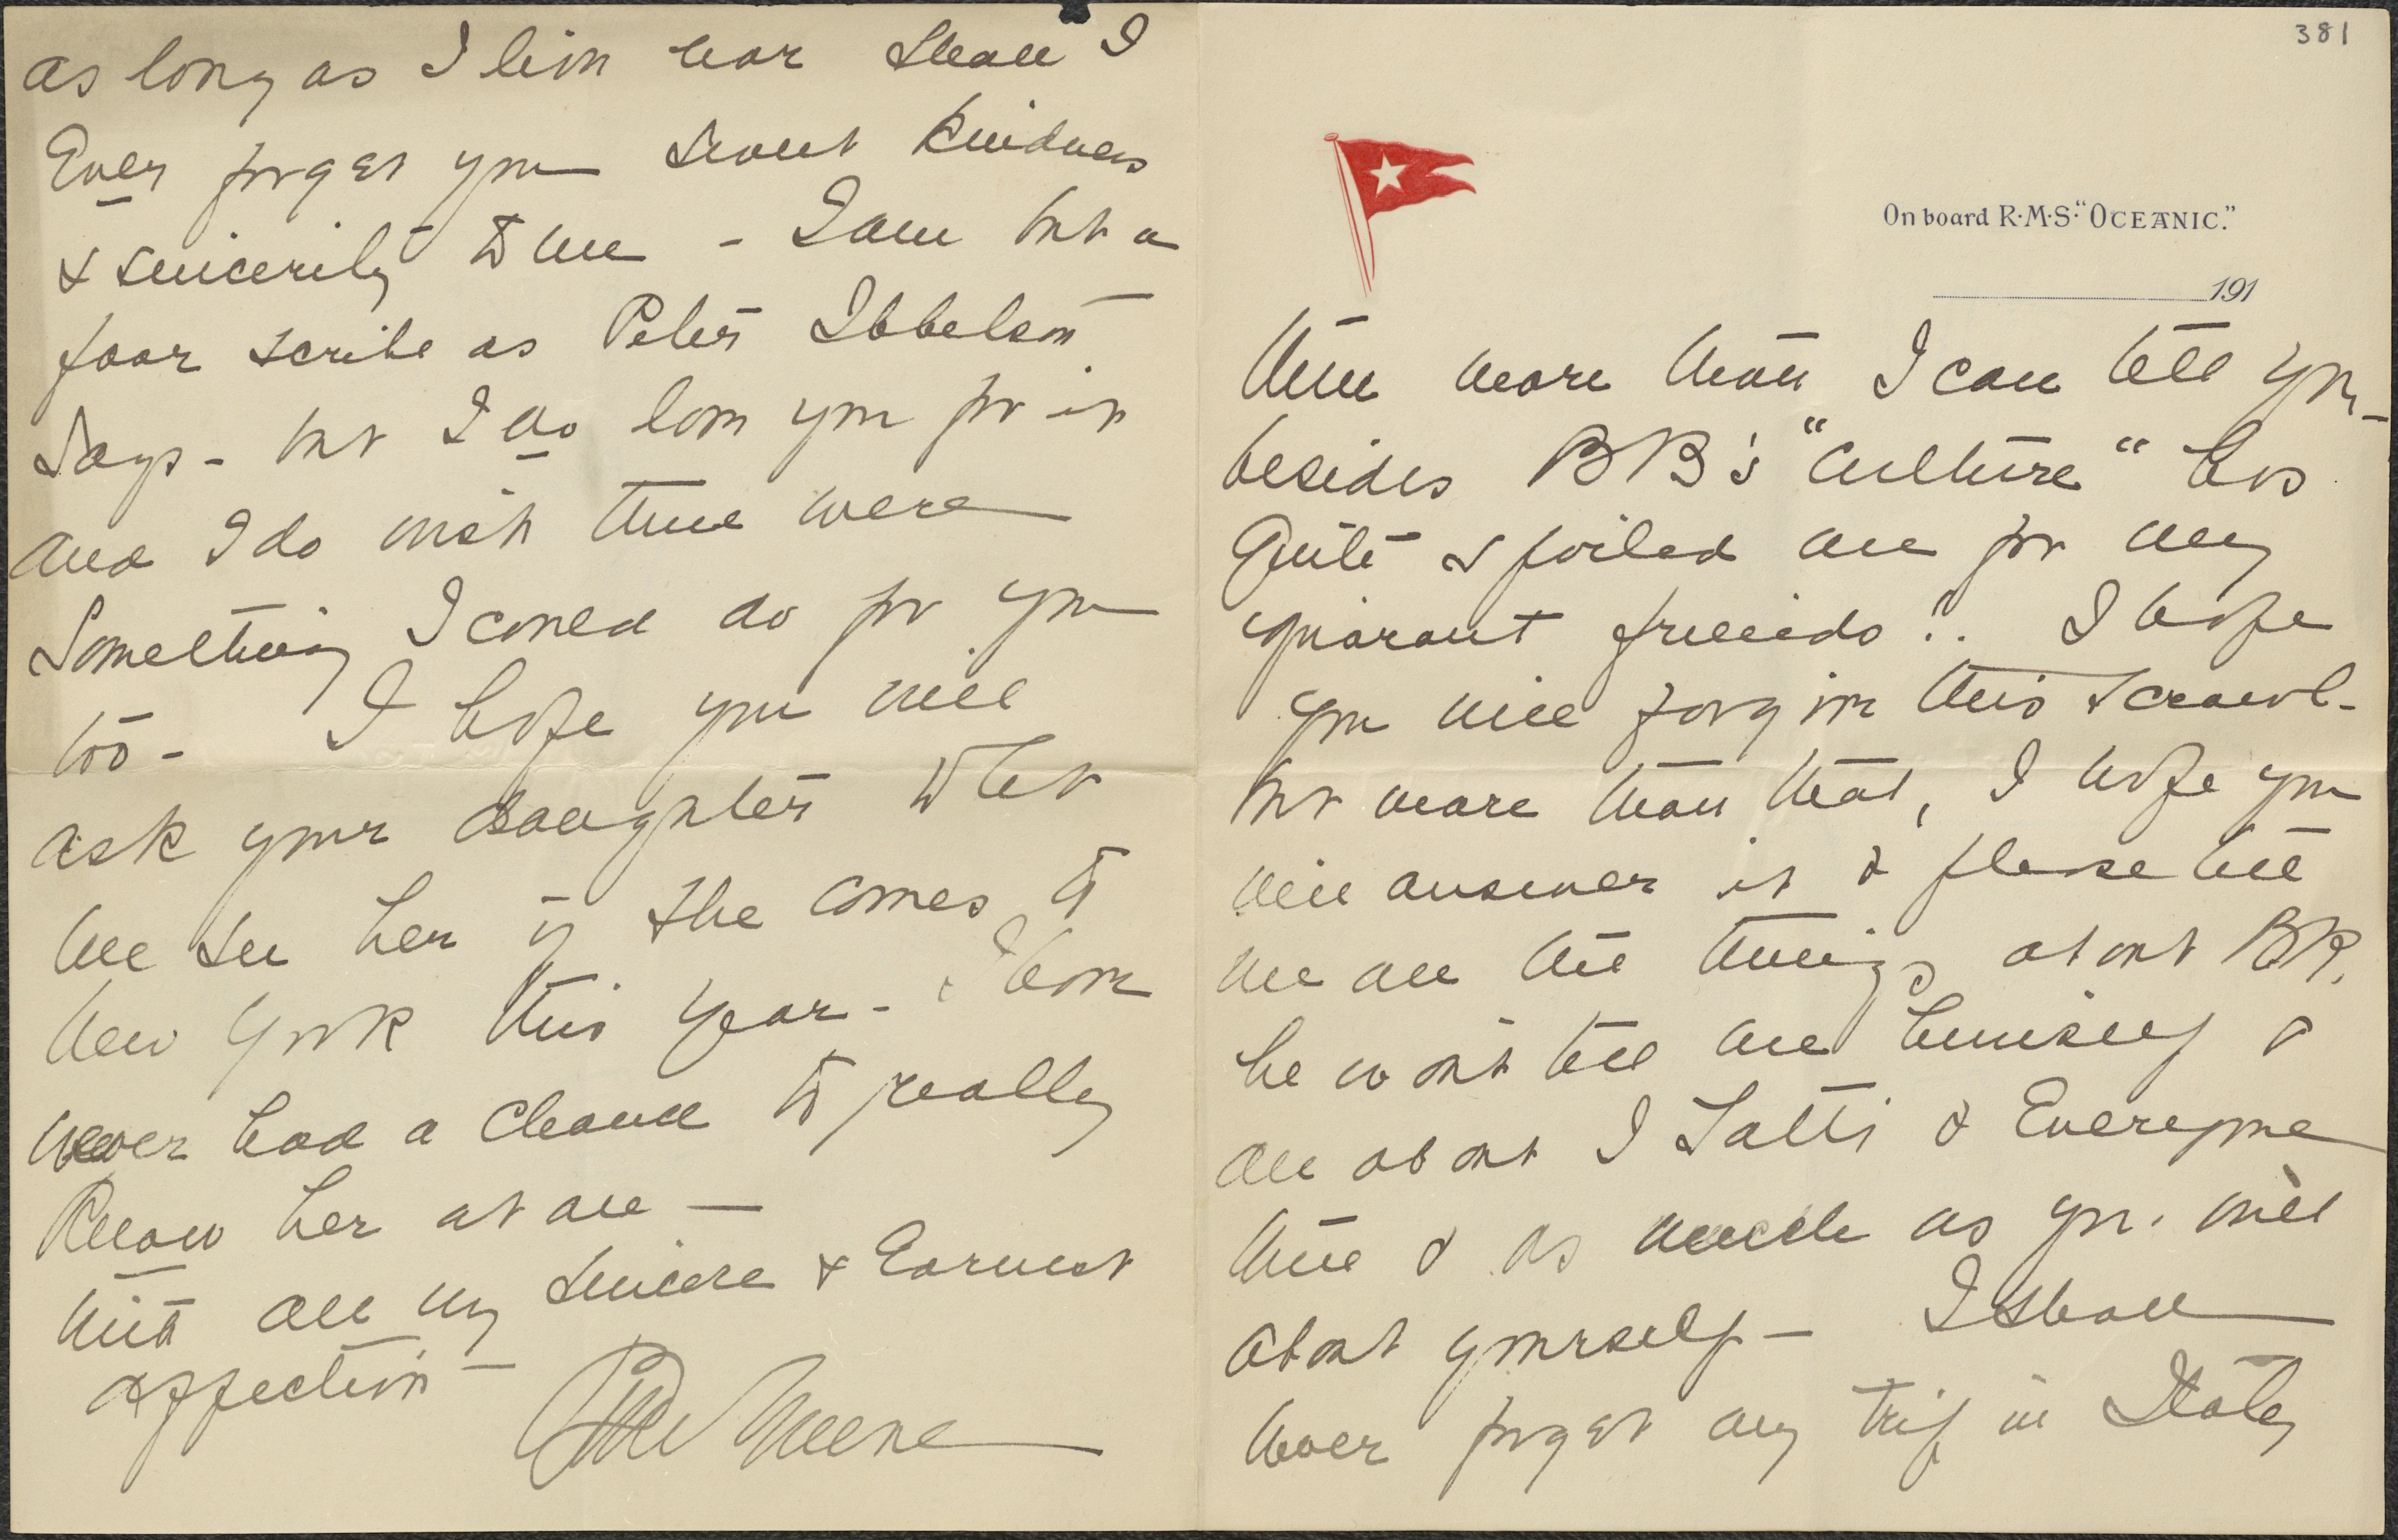there more than I can tell you – besides BB’s “culture” has quite spoiled me for my ignorant friends! I hope you will forgive this scrawl – but more than that, I hope you will answer it & please tell me all the things about B. B. he won’t tell me himself & all about I Tatti & everyone there & as much as you will about yourself – I shall never forget my trip in Italy
as long as I live nor shall I ever forget your sweet kindness & sincerity to me – I am but a poor scribe as Peter Ibbetson says – but I do love you for it and I do wish there were something I could do for you too – I hope you will ask your daughter to let me see her if she comes to New York this year – I have never had a chance to really know her at all –
With all my sincere & earnest affection – Belle Greene